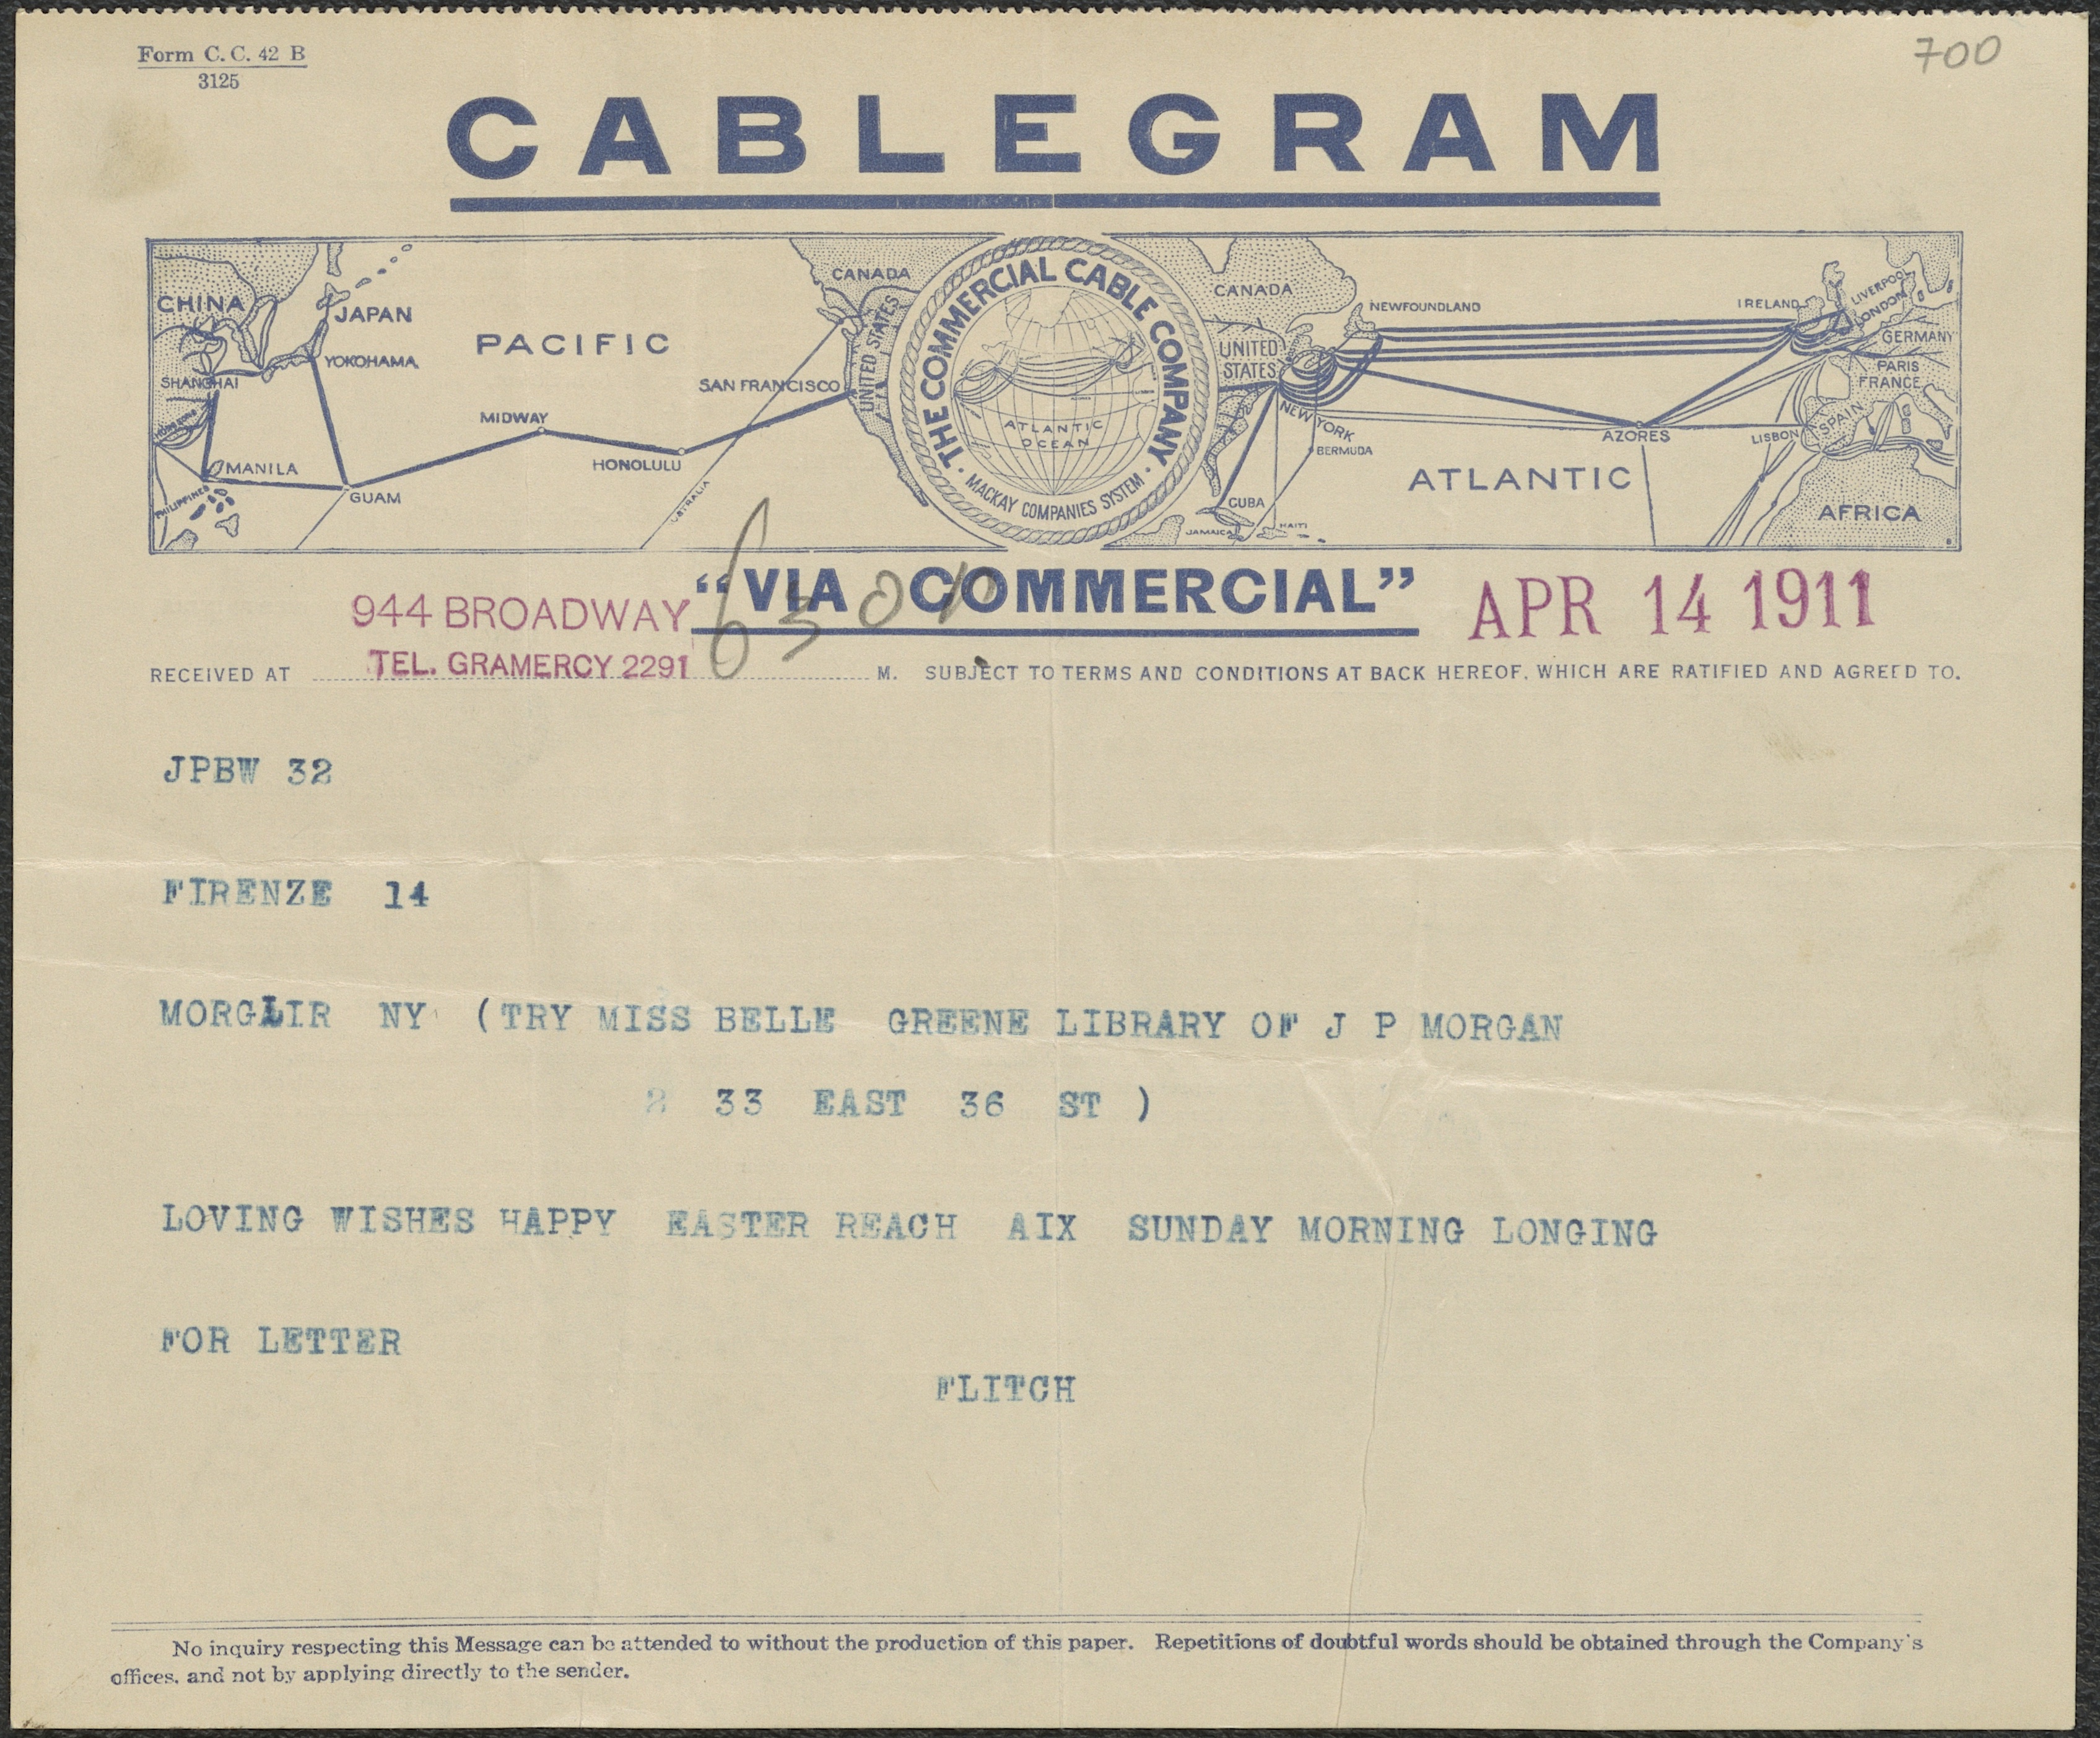JPBW 32
FIRENZE 14
MORGLIB NY (TRY MISS BELLE GREENE LIBRARY OF J P MORGAN 33 EAST 36 ST)
LOVING WISHES HAPPY EASTER REACH AIX SUNDAY MORNING LONGING FOR LETTER
FLITCH